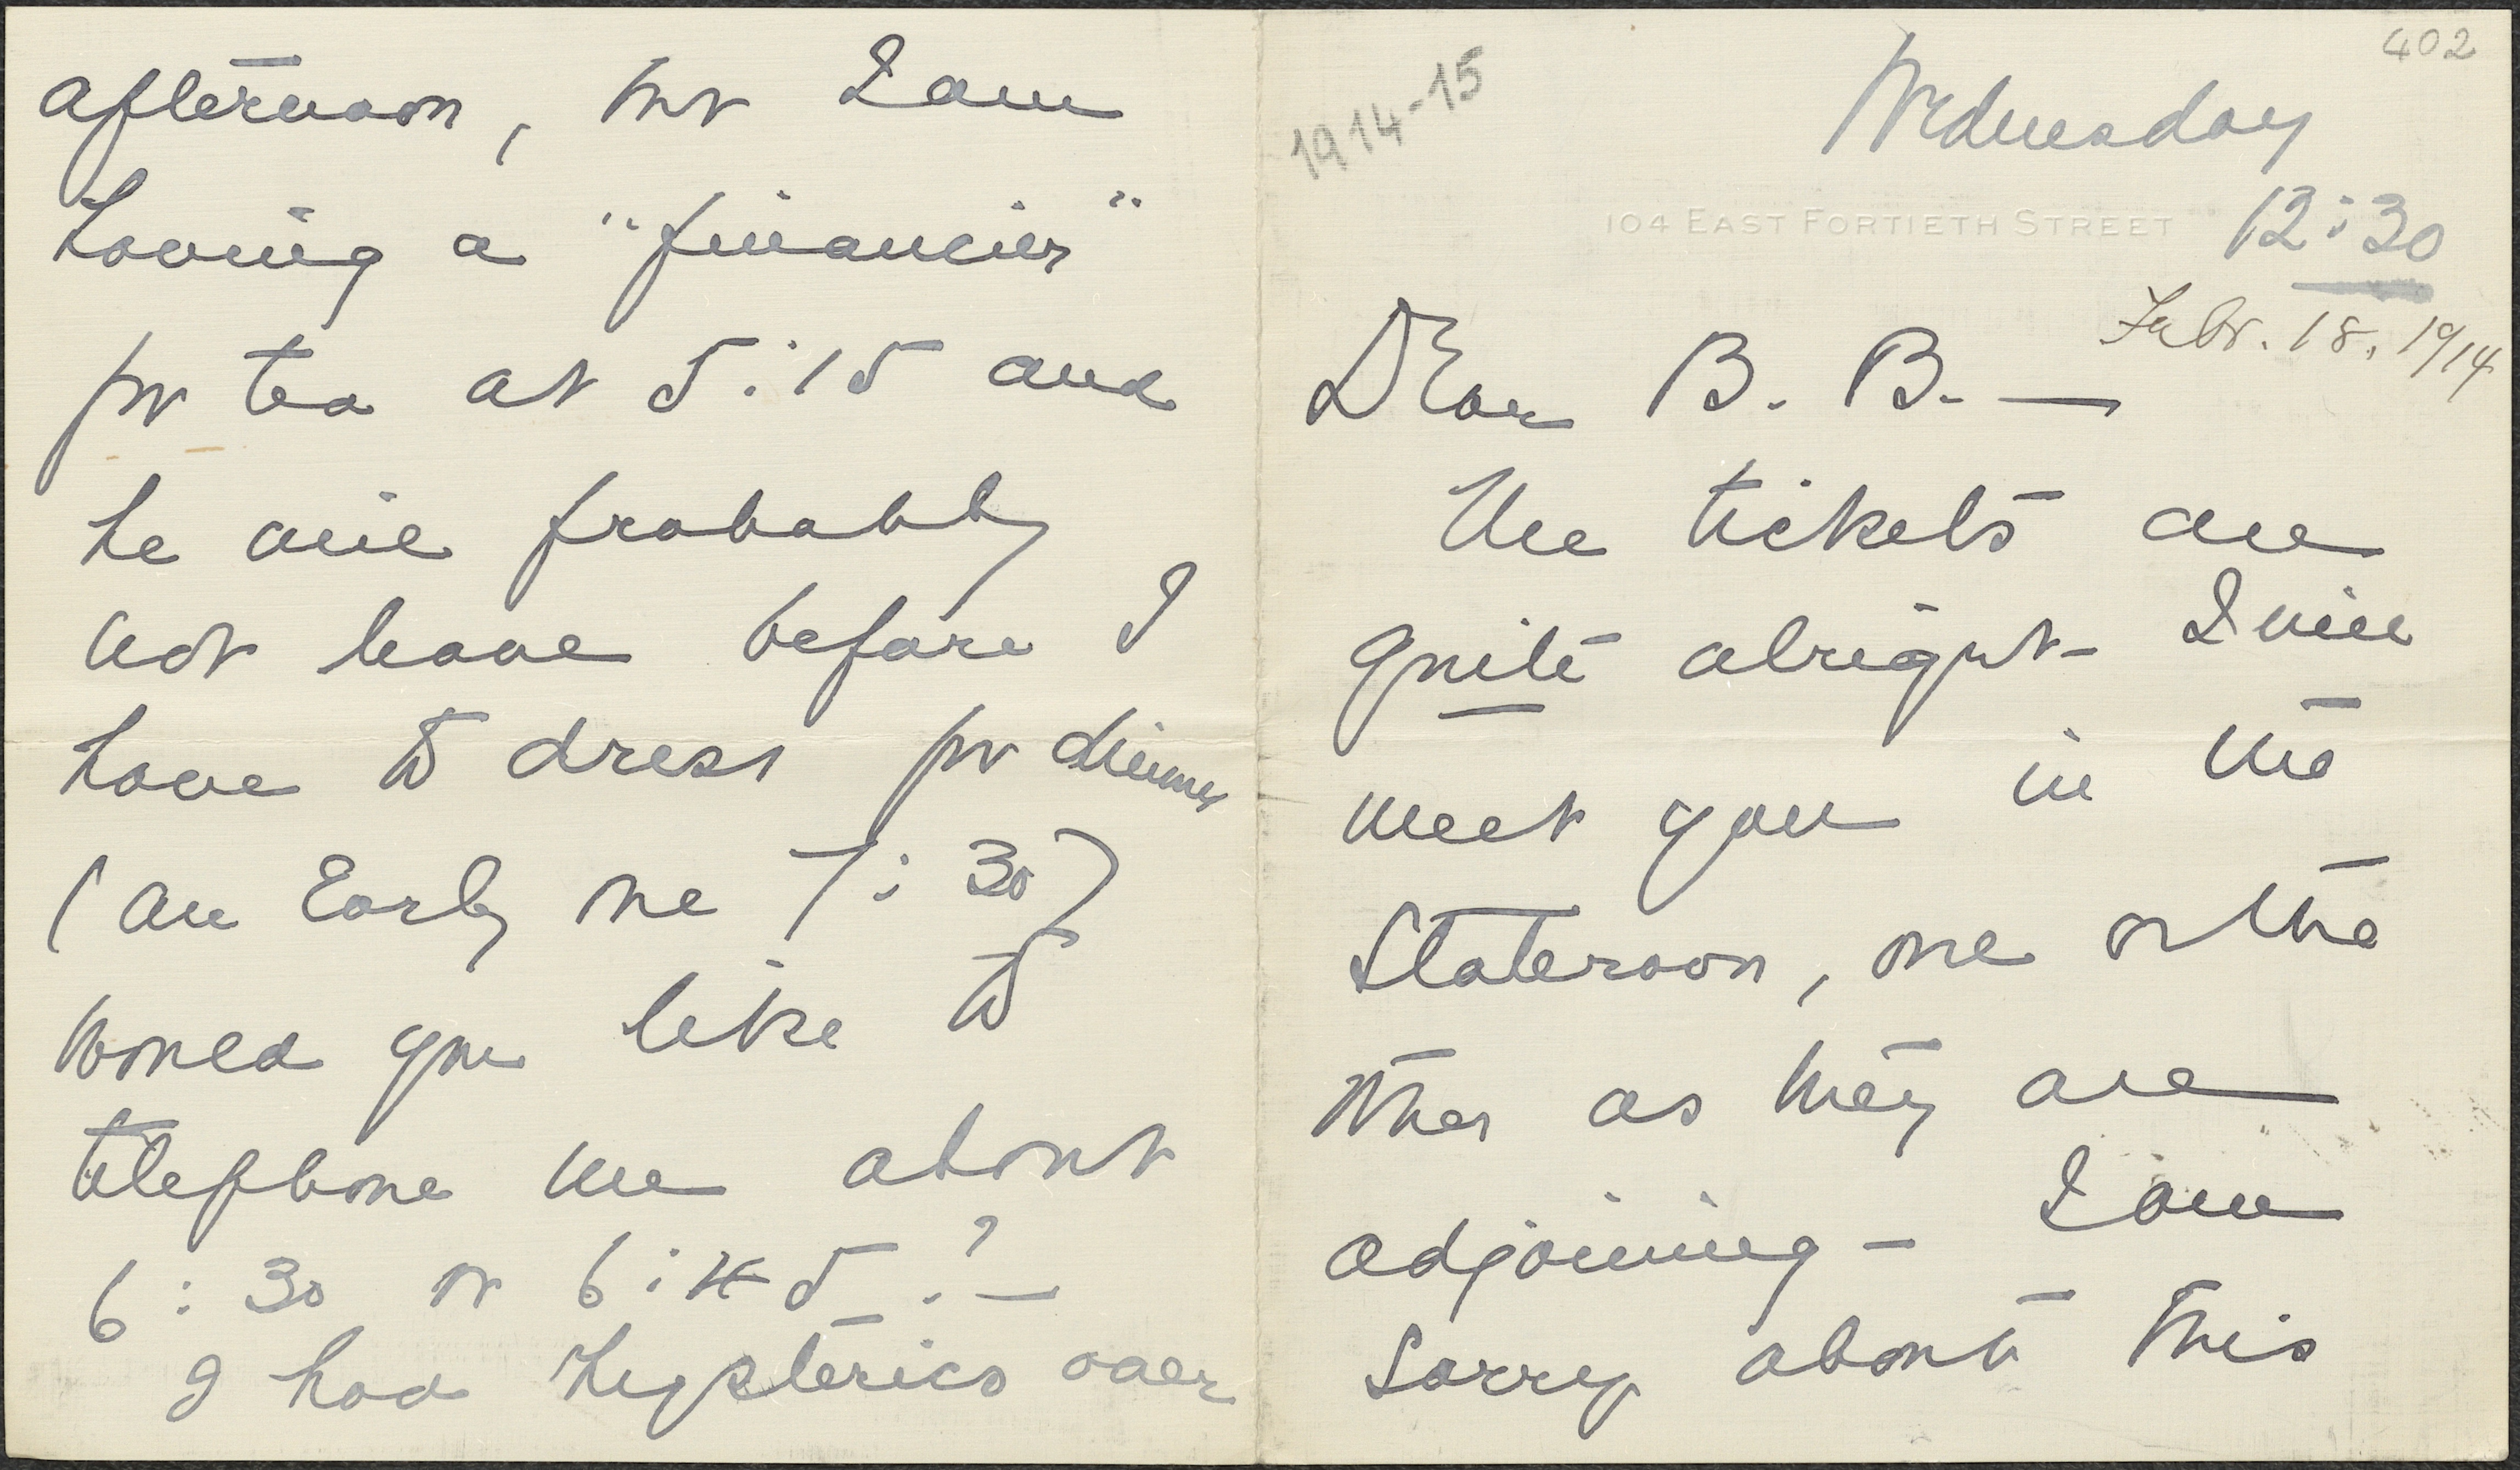Wednesday
12:30
Dear B.B. –
The tickets are quite alright – I will meet you in the Stateroom, one or the other as they are adjoining – I am sorry about this
afternoon, but I am having a “financier” for tea at 5:15 and he will probably not leave before I have to dress for dinner (an early one 7:30) would you like to telephone me about 6:30 or 6:45? –
I had hysterics over